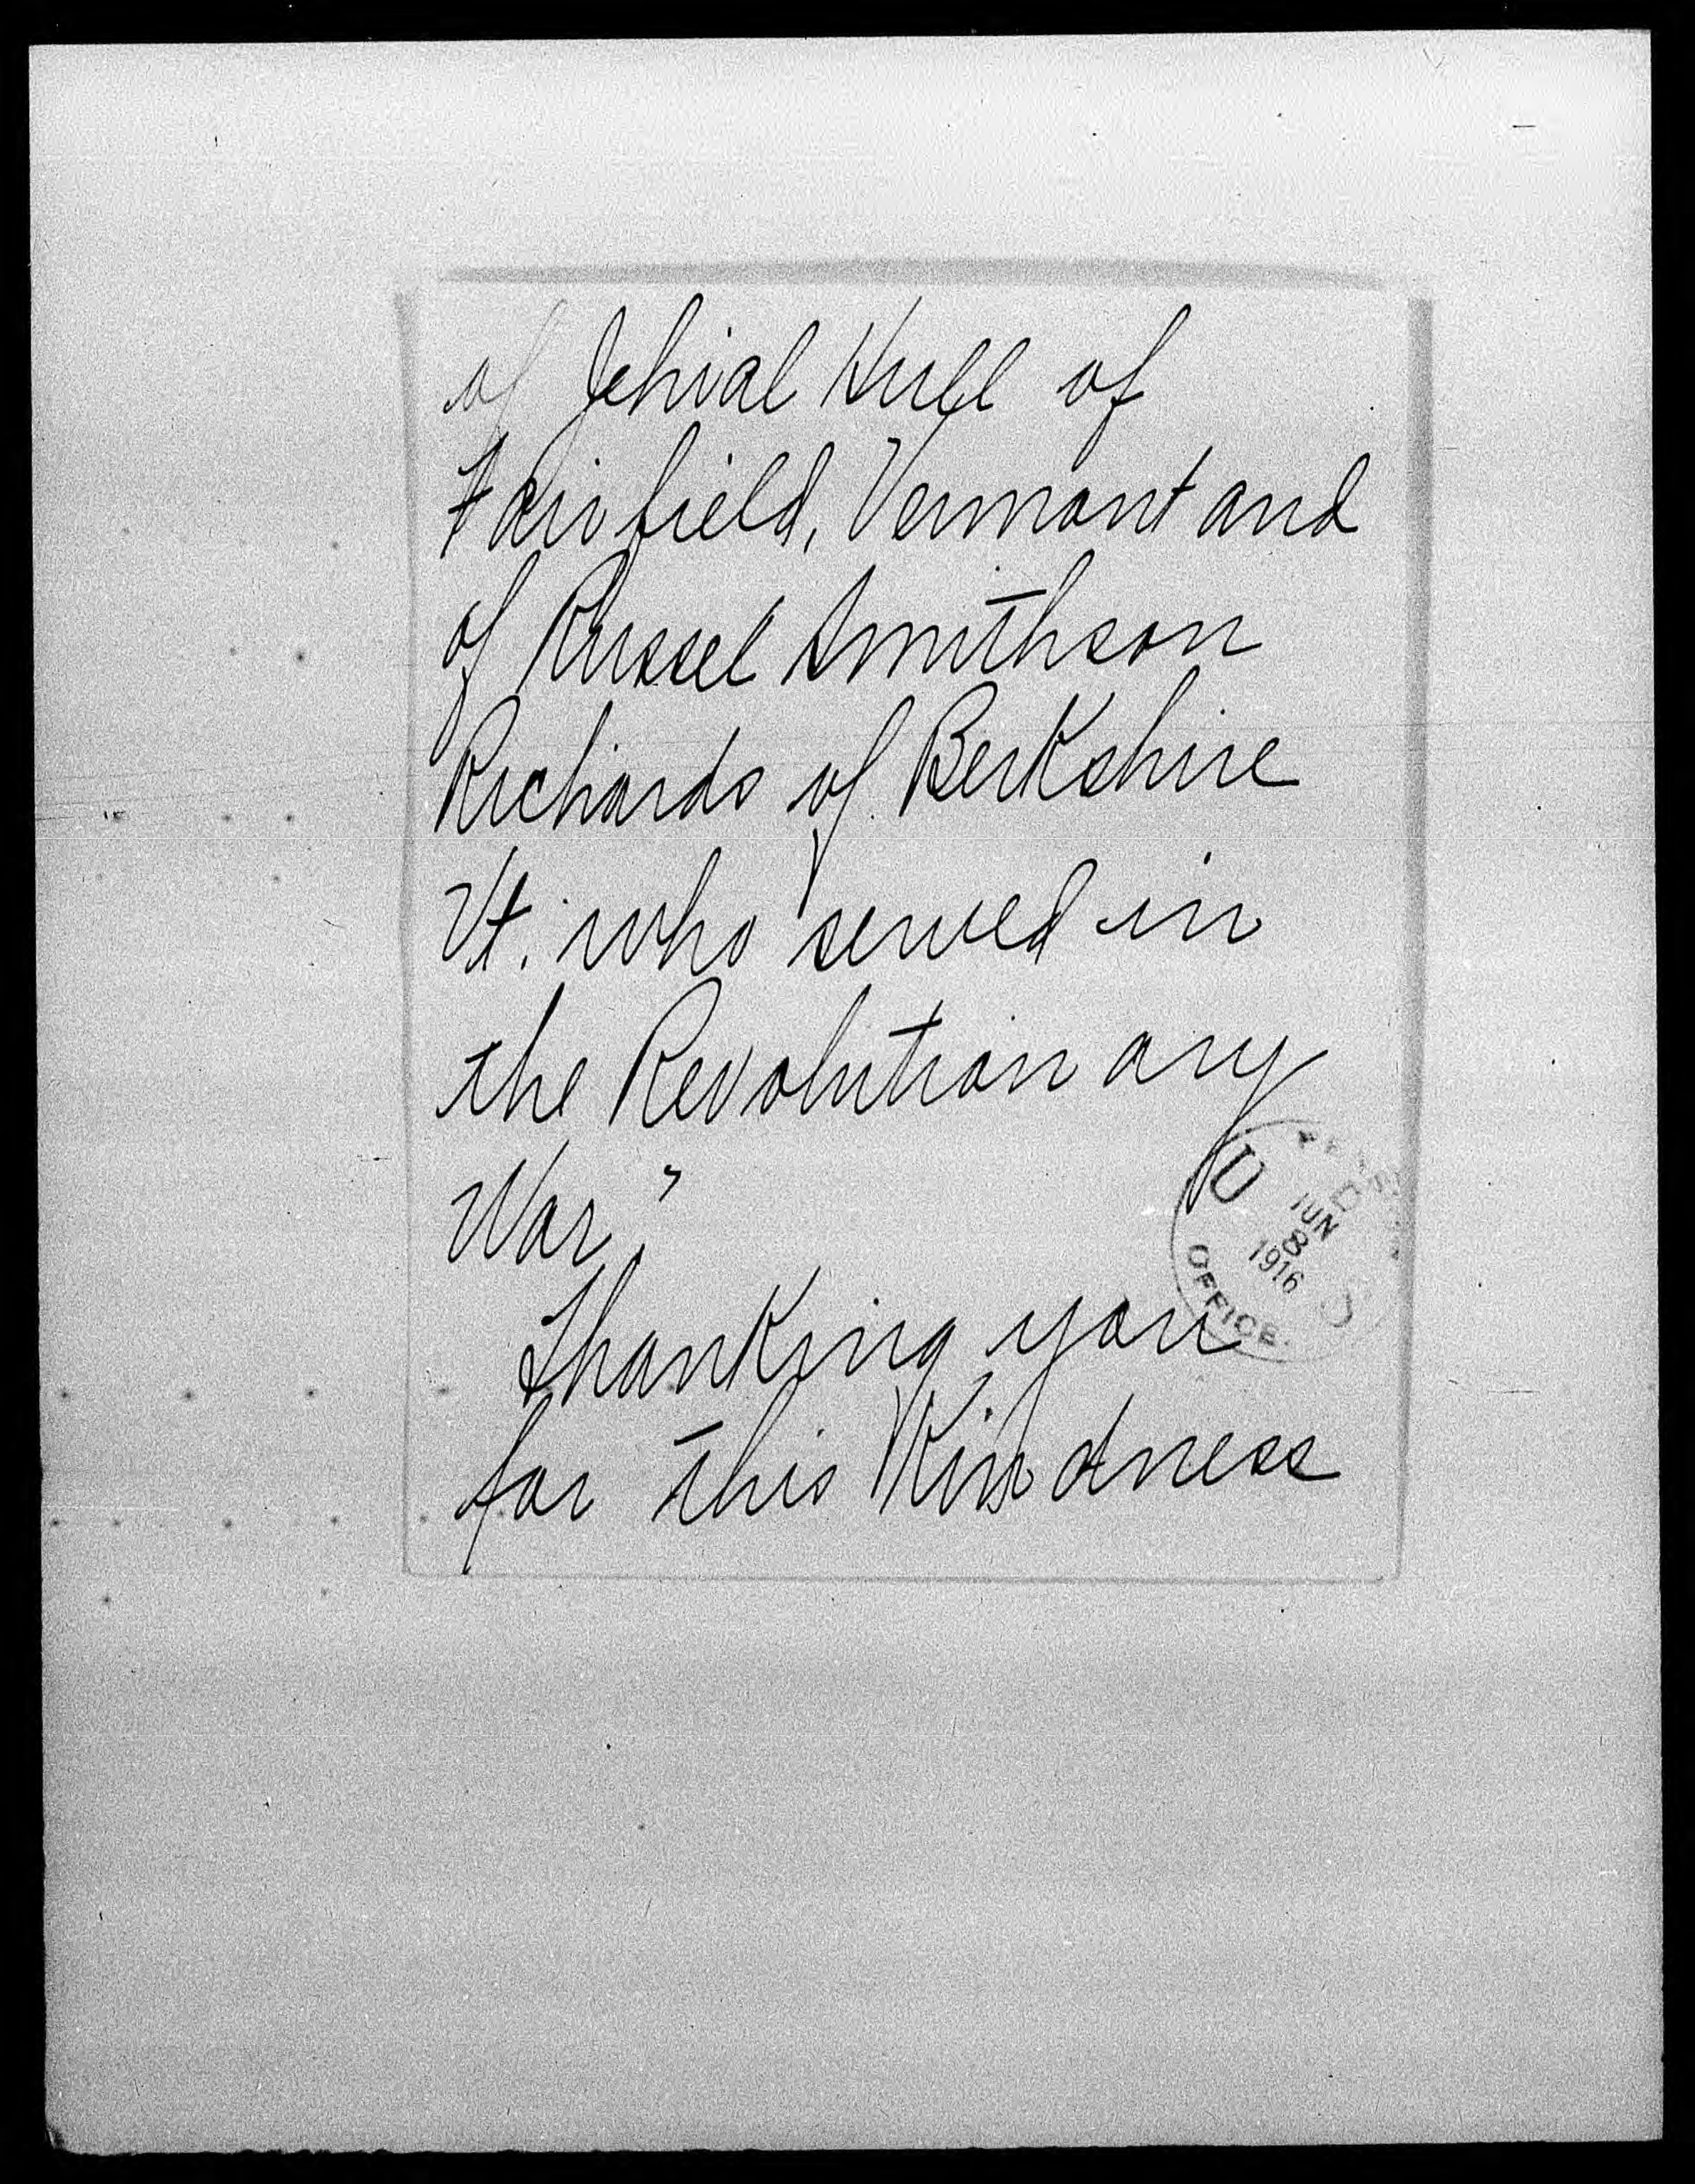of Jehial Hull of Fairfield, Vermont and of  Russel Smithson Richards of Berkshire , Vt. who served in the Revolutionary War?
     Thanking you for this kindness

STAMP:  PENSION OFFICE US JUNE 8, 1916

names: Russel Smithson Richards, Jehial Hull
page: 53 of 58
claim: widow's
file: W. 25813, Jehiel Hull, Conn.